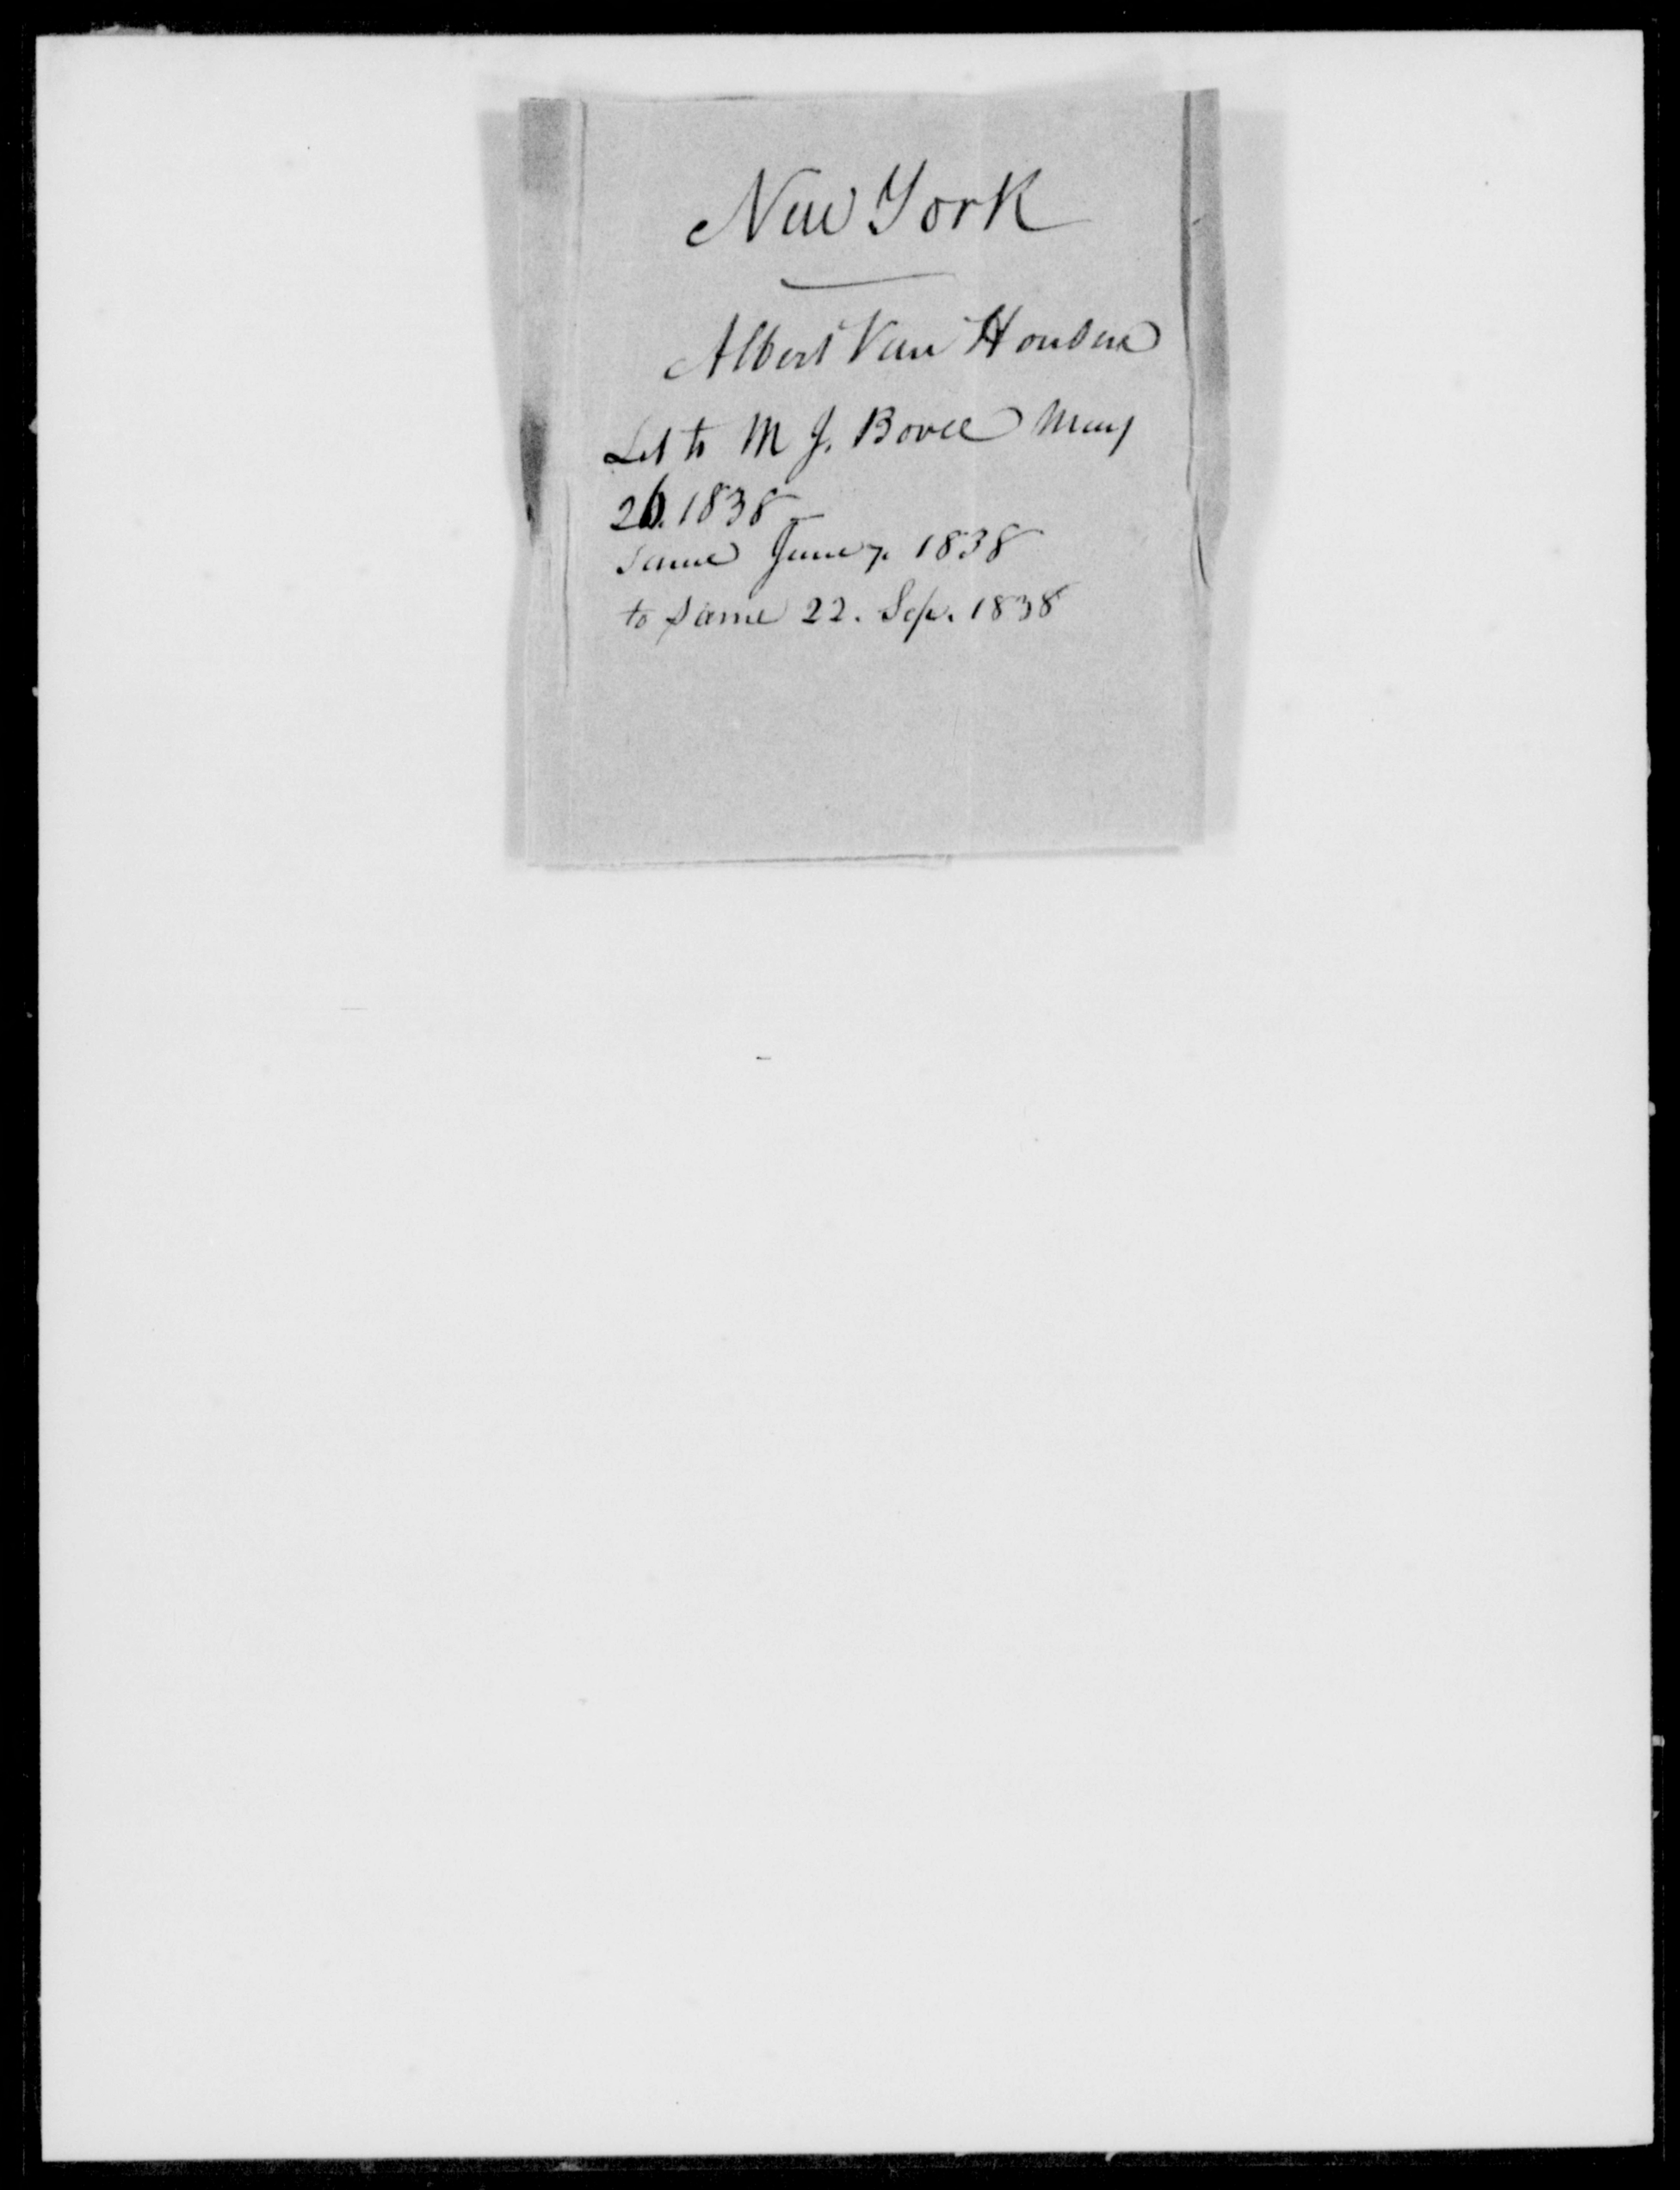New York 
Albert Van Housen 
Let to M J. Bovee May 26 1838 
same June 7. 1838 
to same 22 Sep. 1838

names: Albert Van Housen, M J Bovee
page: 15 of 57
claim: survivor's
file: S. 28,925, Albert Van Housen, New York